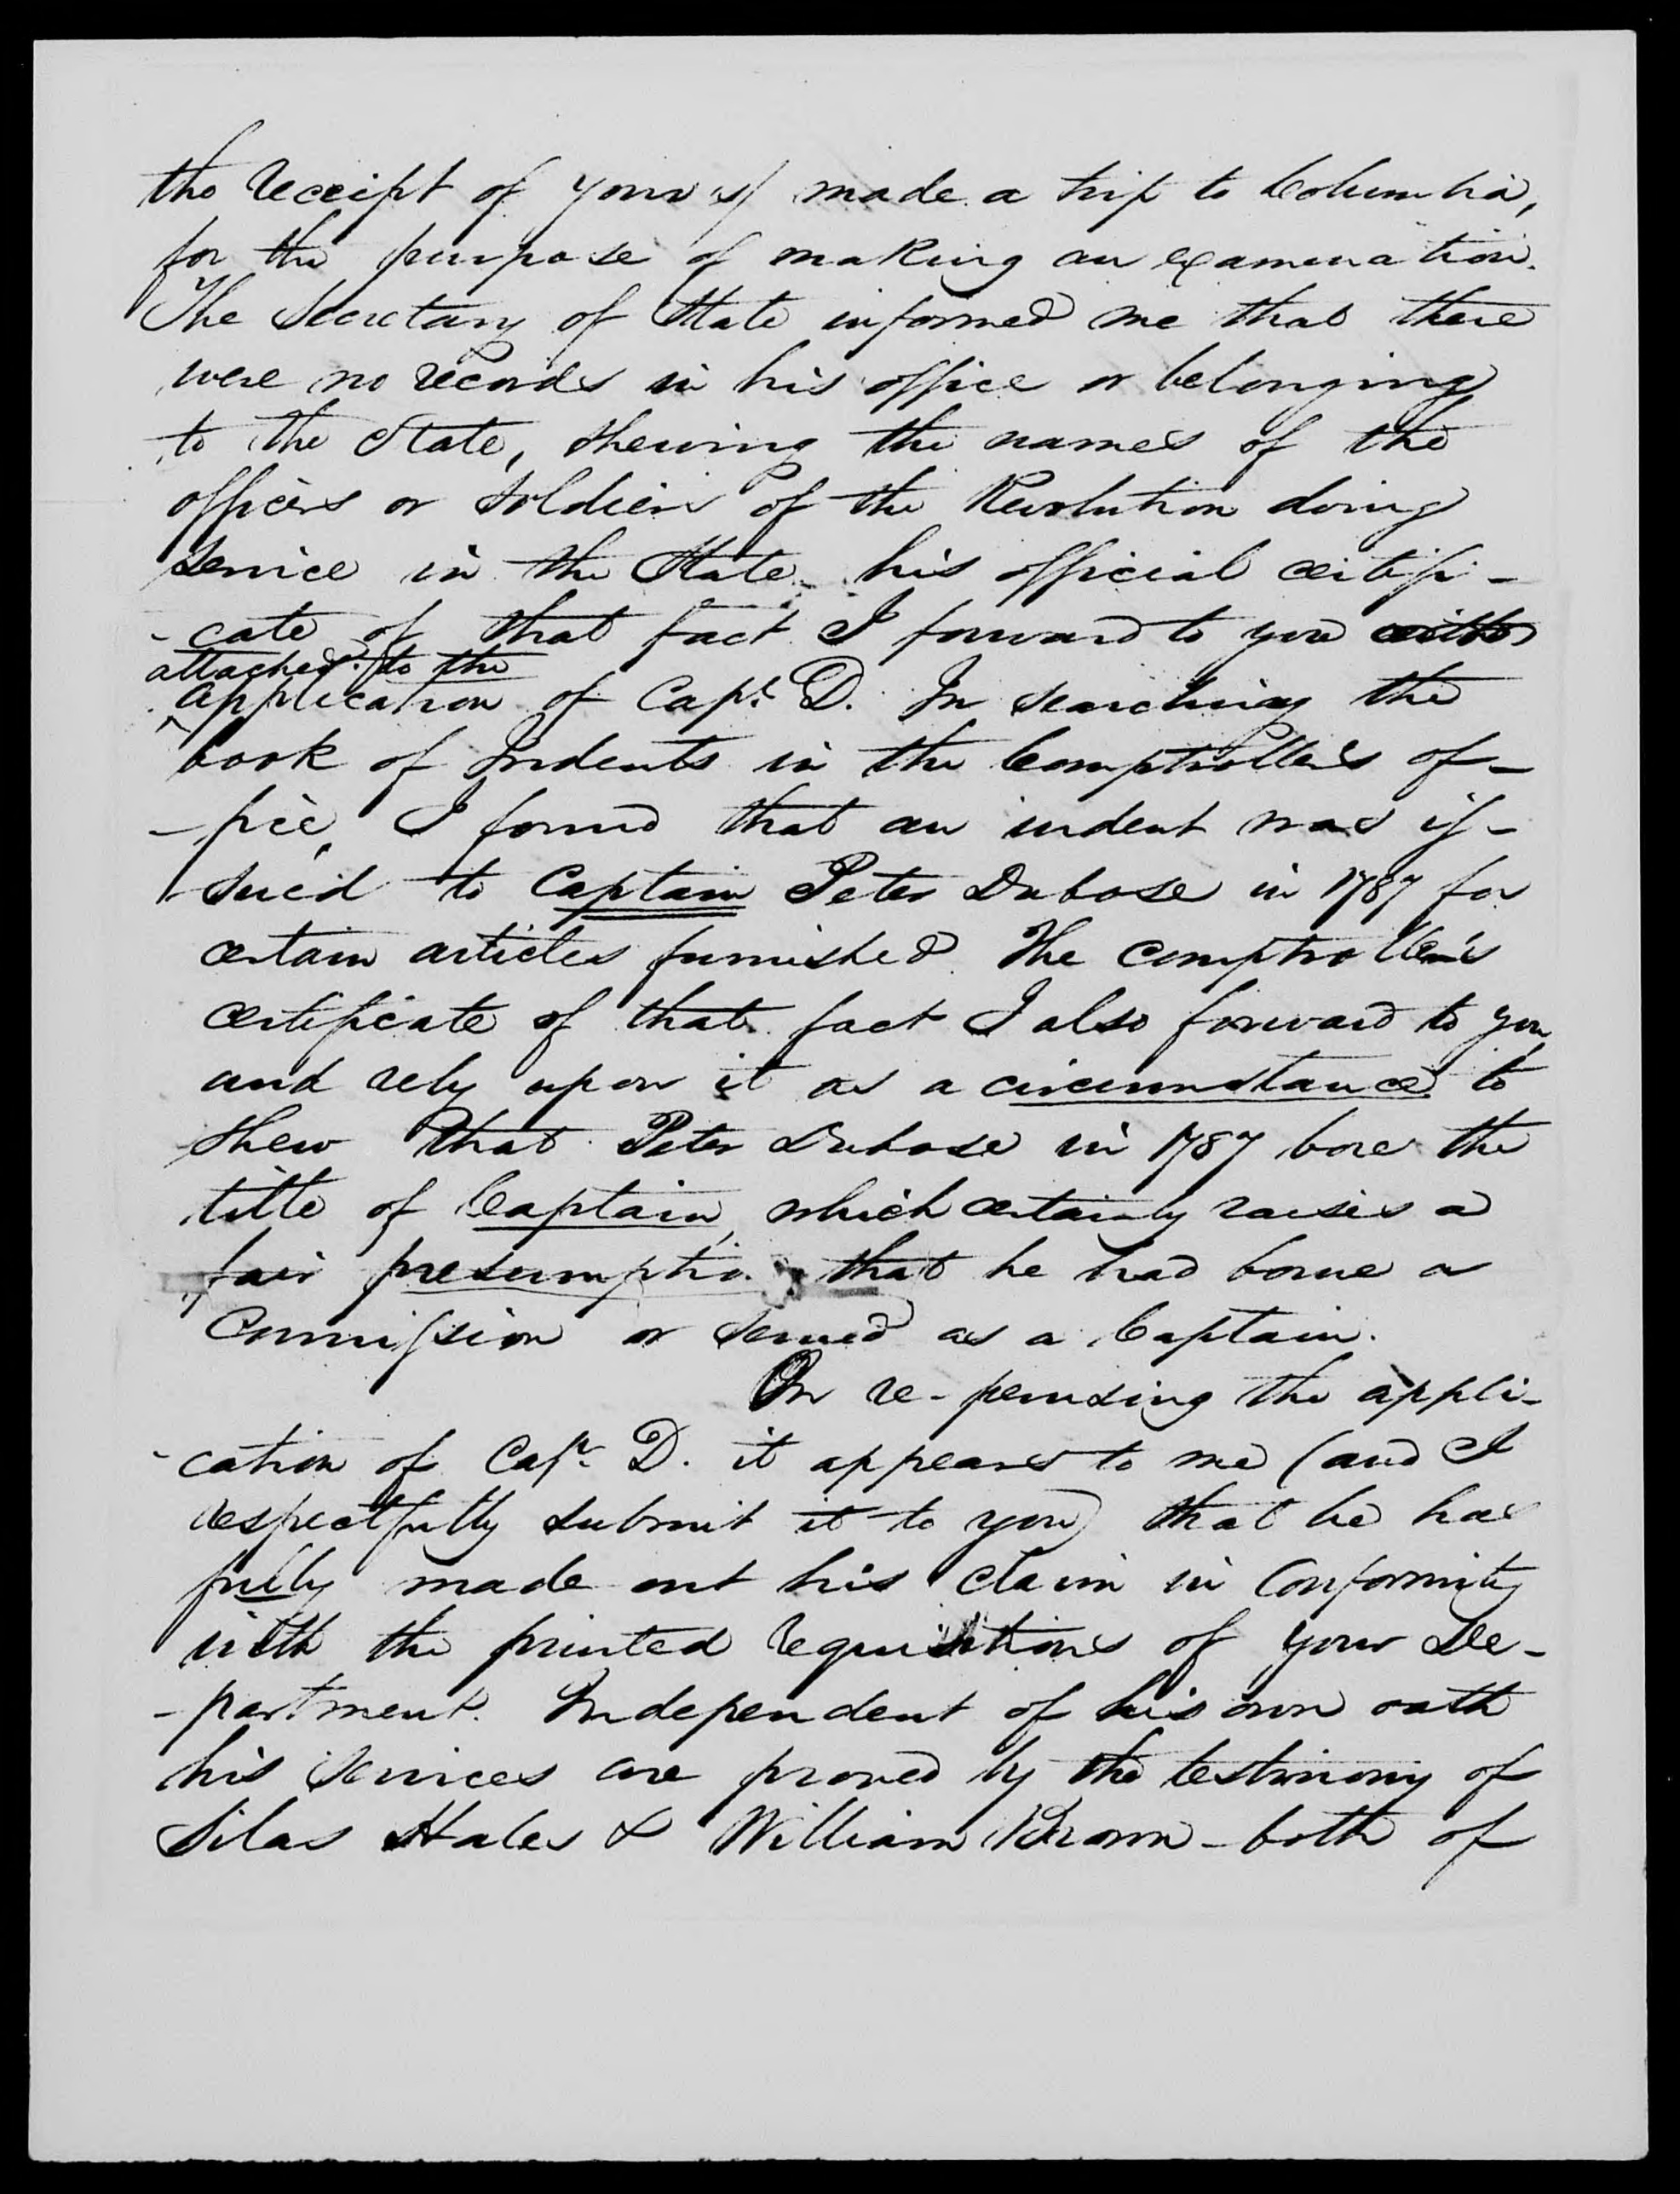the receipt of yours, made a trip to Columbia,
for the purpose of making an examination.
The Secretary of State informed me that there
were no records in his office or belonging
to the State, hearing the names of the
officers or soldiers of the Revolution doing
service in the State his official certificate
of
that fact I forward to you 
attached to the application of Capt D. In searching the
book of Indents in the Comptrollers office,
I found that an indent made of
said to Captain Peter Dubose in 1787 for
certain articles furnished. The Comptrollers
certificate of that fact I also forward to you
and rely upon it as a circumstance to
show that Peter Dubose in 1787 bore the
title of Captain, which certainly raises a
fair presumption that he had borne a
Commission or served as a Captain.
On re-opening the application
of Capt D. it appears to me (and I
respectfully submit it to you) that he has
fully made out his claim in conformity
with the printed requisition of your department.
Independent of his own oath
his services are proved by the testimony of
Silas Hales & William Brown - both of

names: D, Peter Dubose, Peter Dubose, D, Silas Hales, William Brown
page: 27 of 43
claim: survivor's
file: S. 21163, Peter Dubose, S.C.